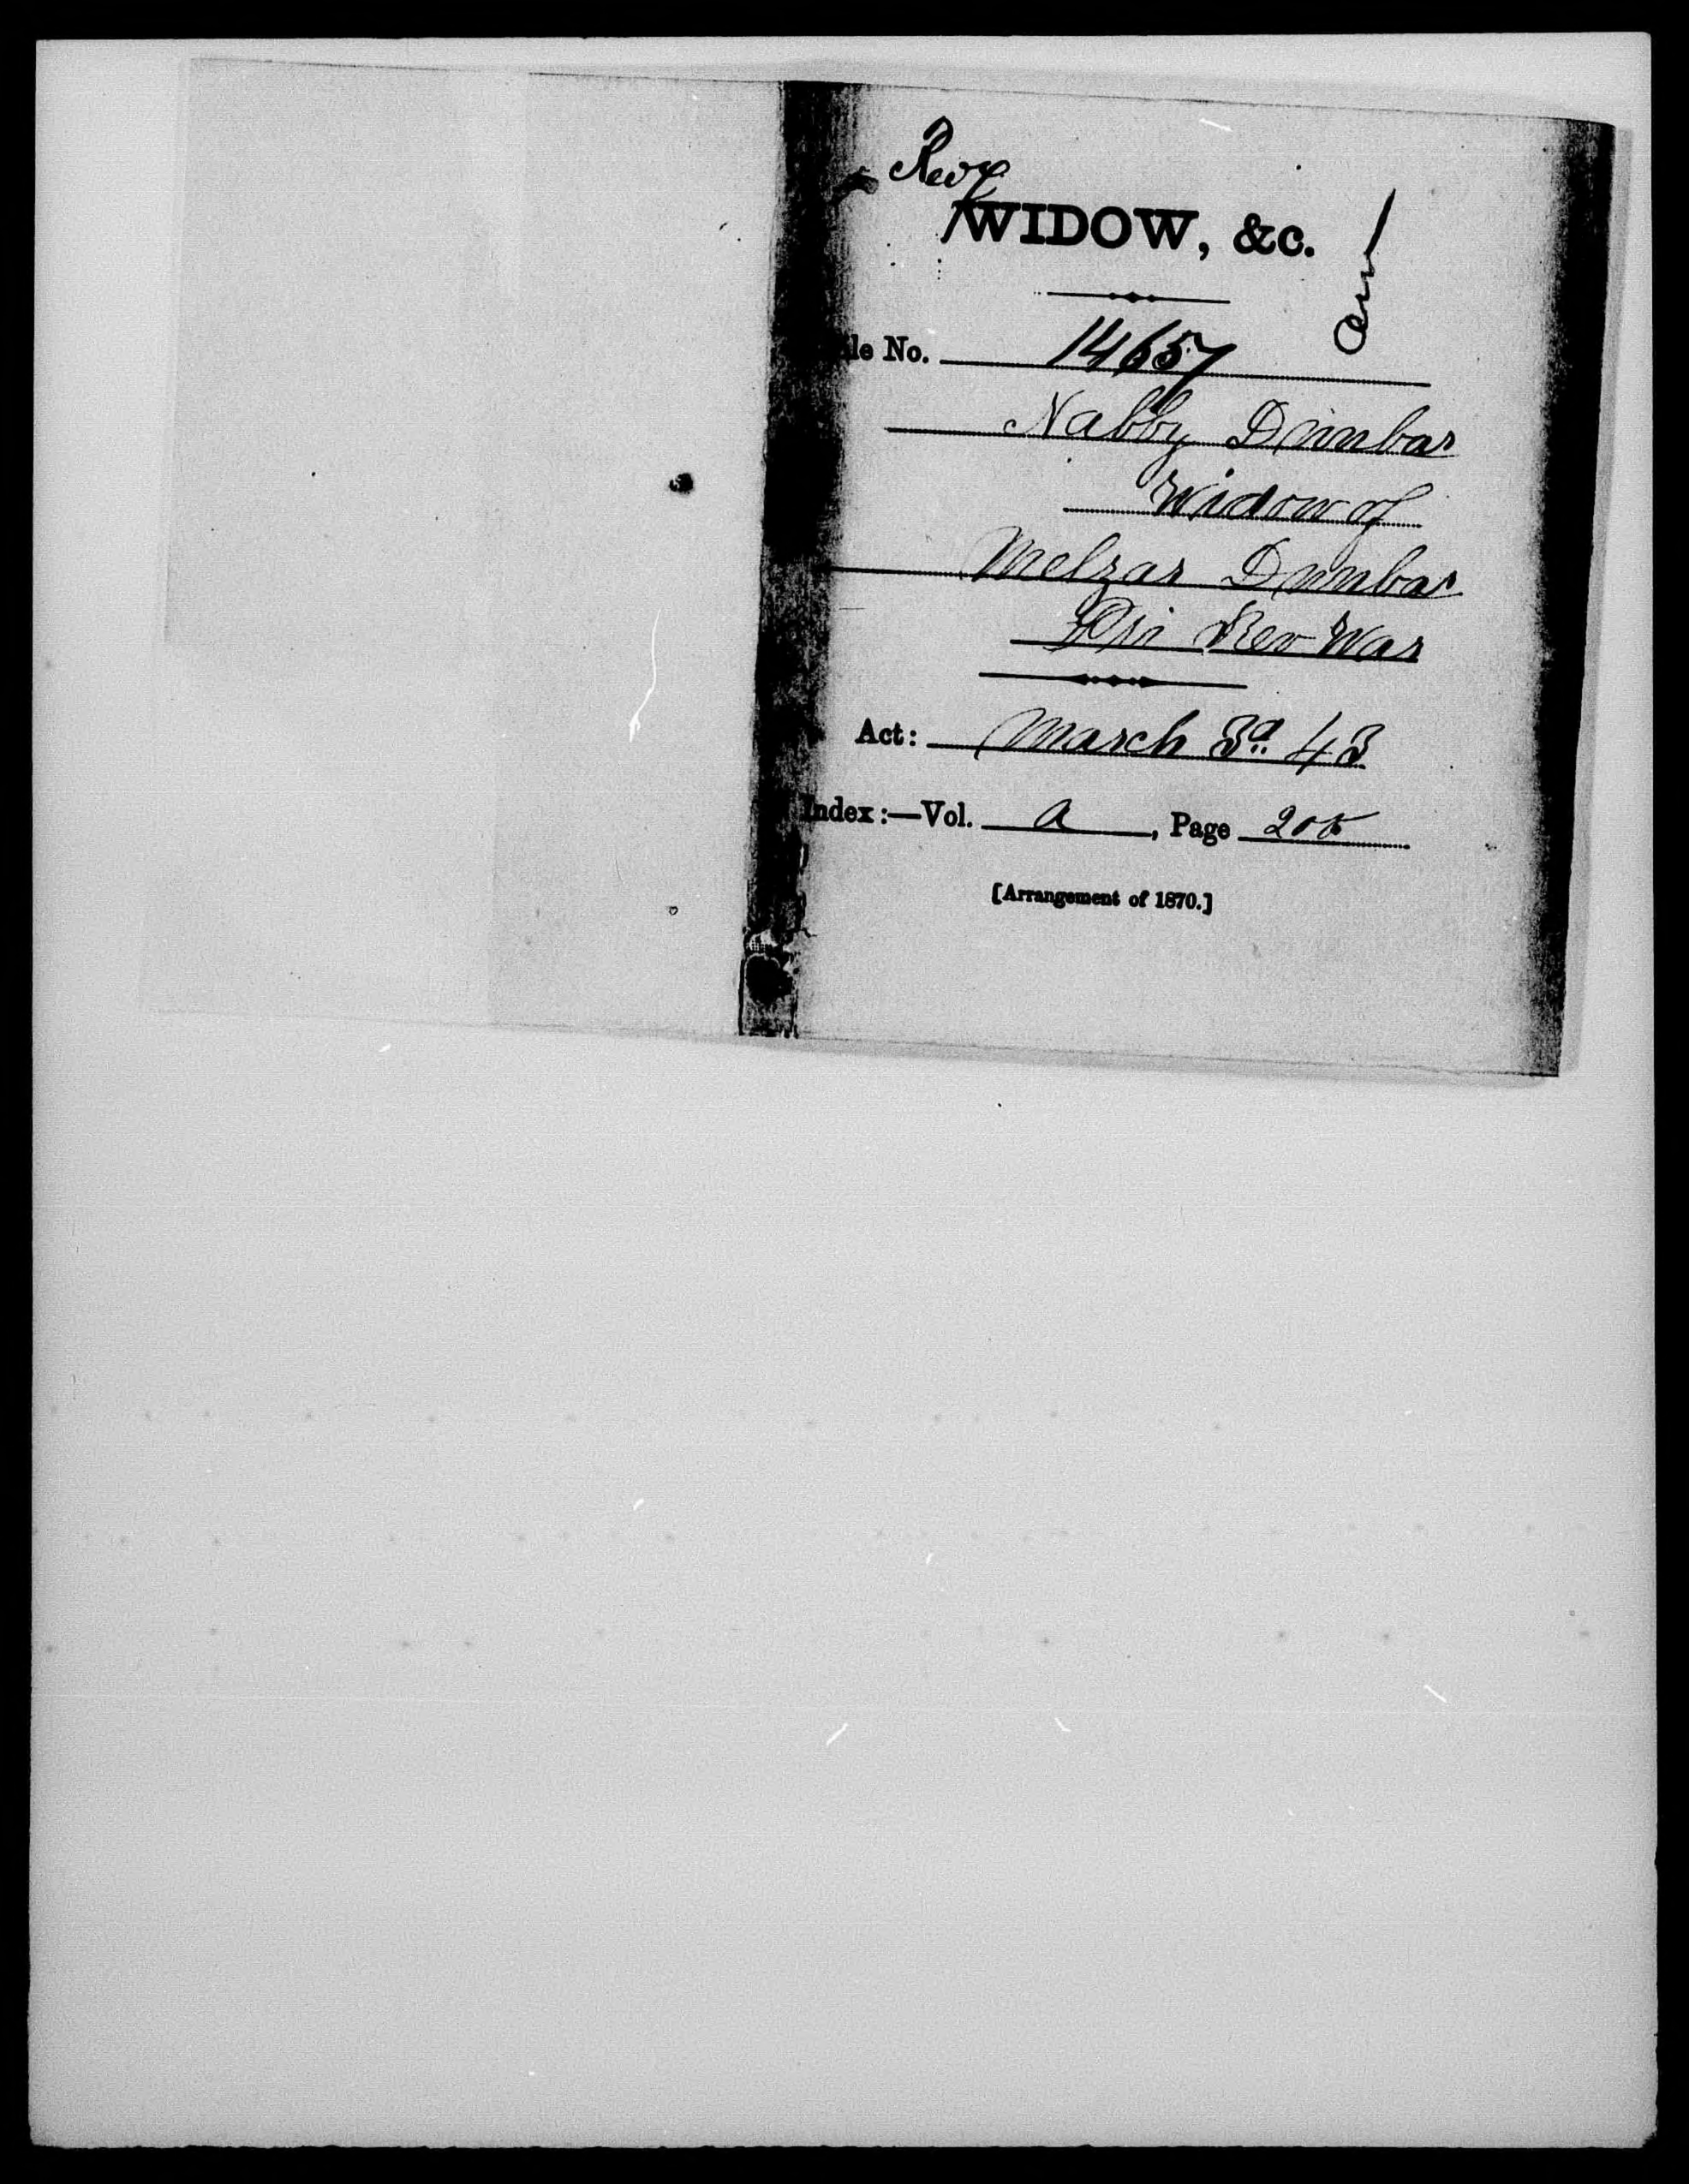Revy.  WIDOW, & c.

File No. 14657

Nabby Dunbar
widow of 
Melzar Dunbar
Pri. Rev. War

Act:  March 3, 1843


Index: - Vol. A  Page 200


[Arrangement of 1870]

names: Nabby Dunbar, Melzar Dunbar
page: 11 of 26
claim: widow's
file: W. 14657, Melzar Dunbar, Mass.